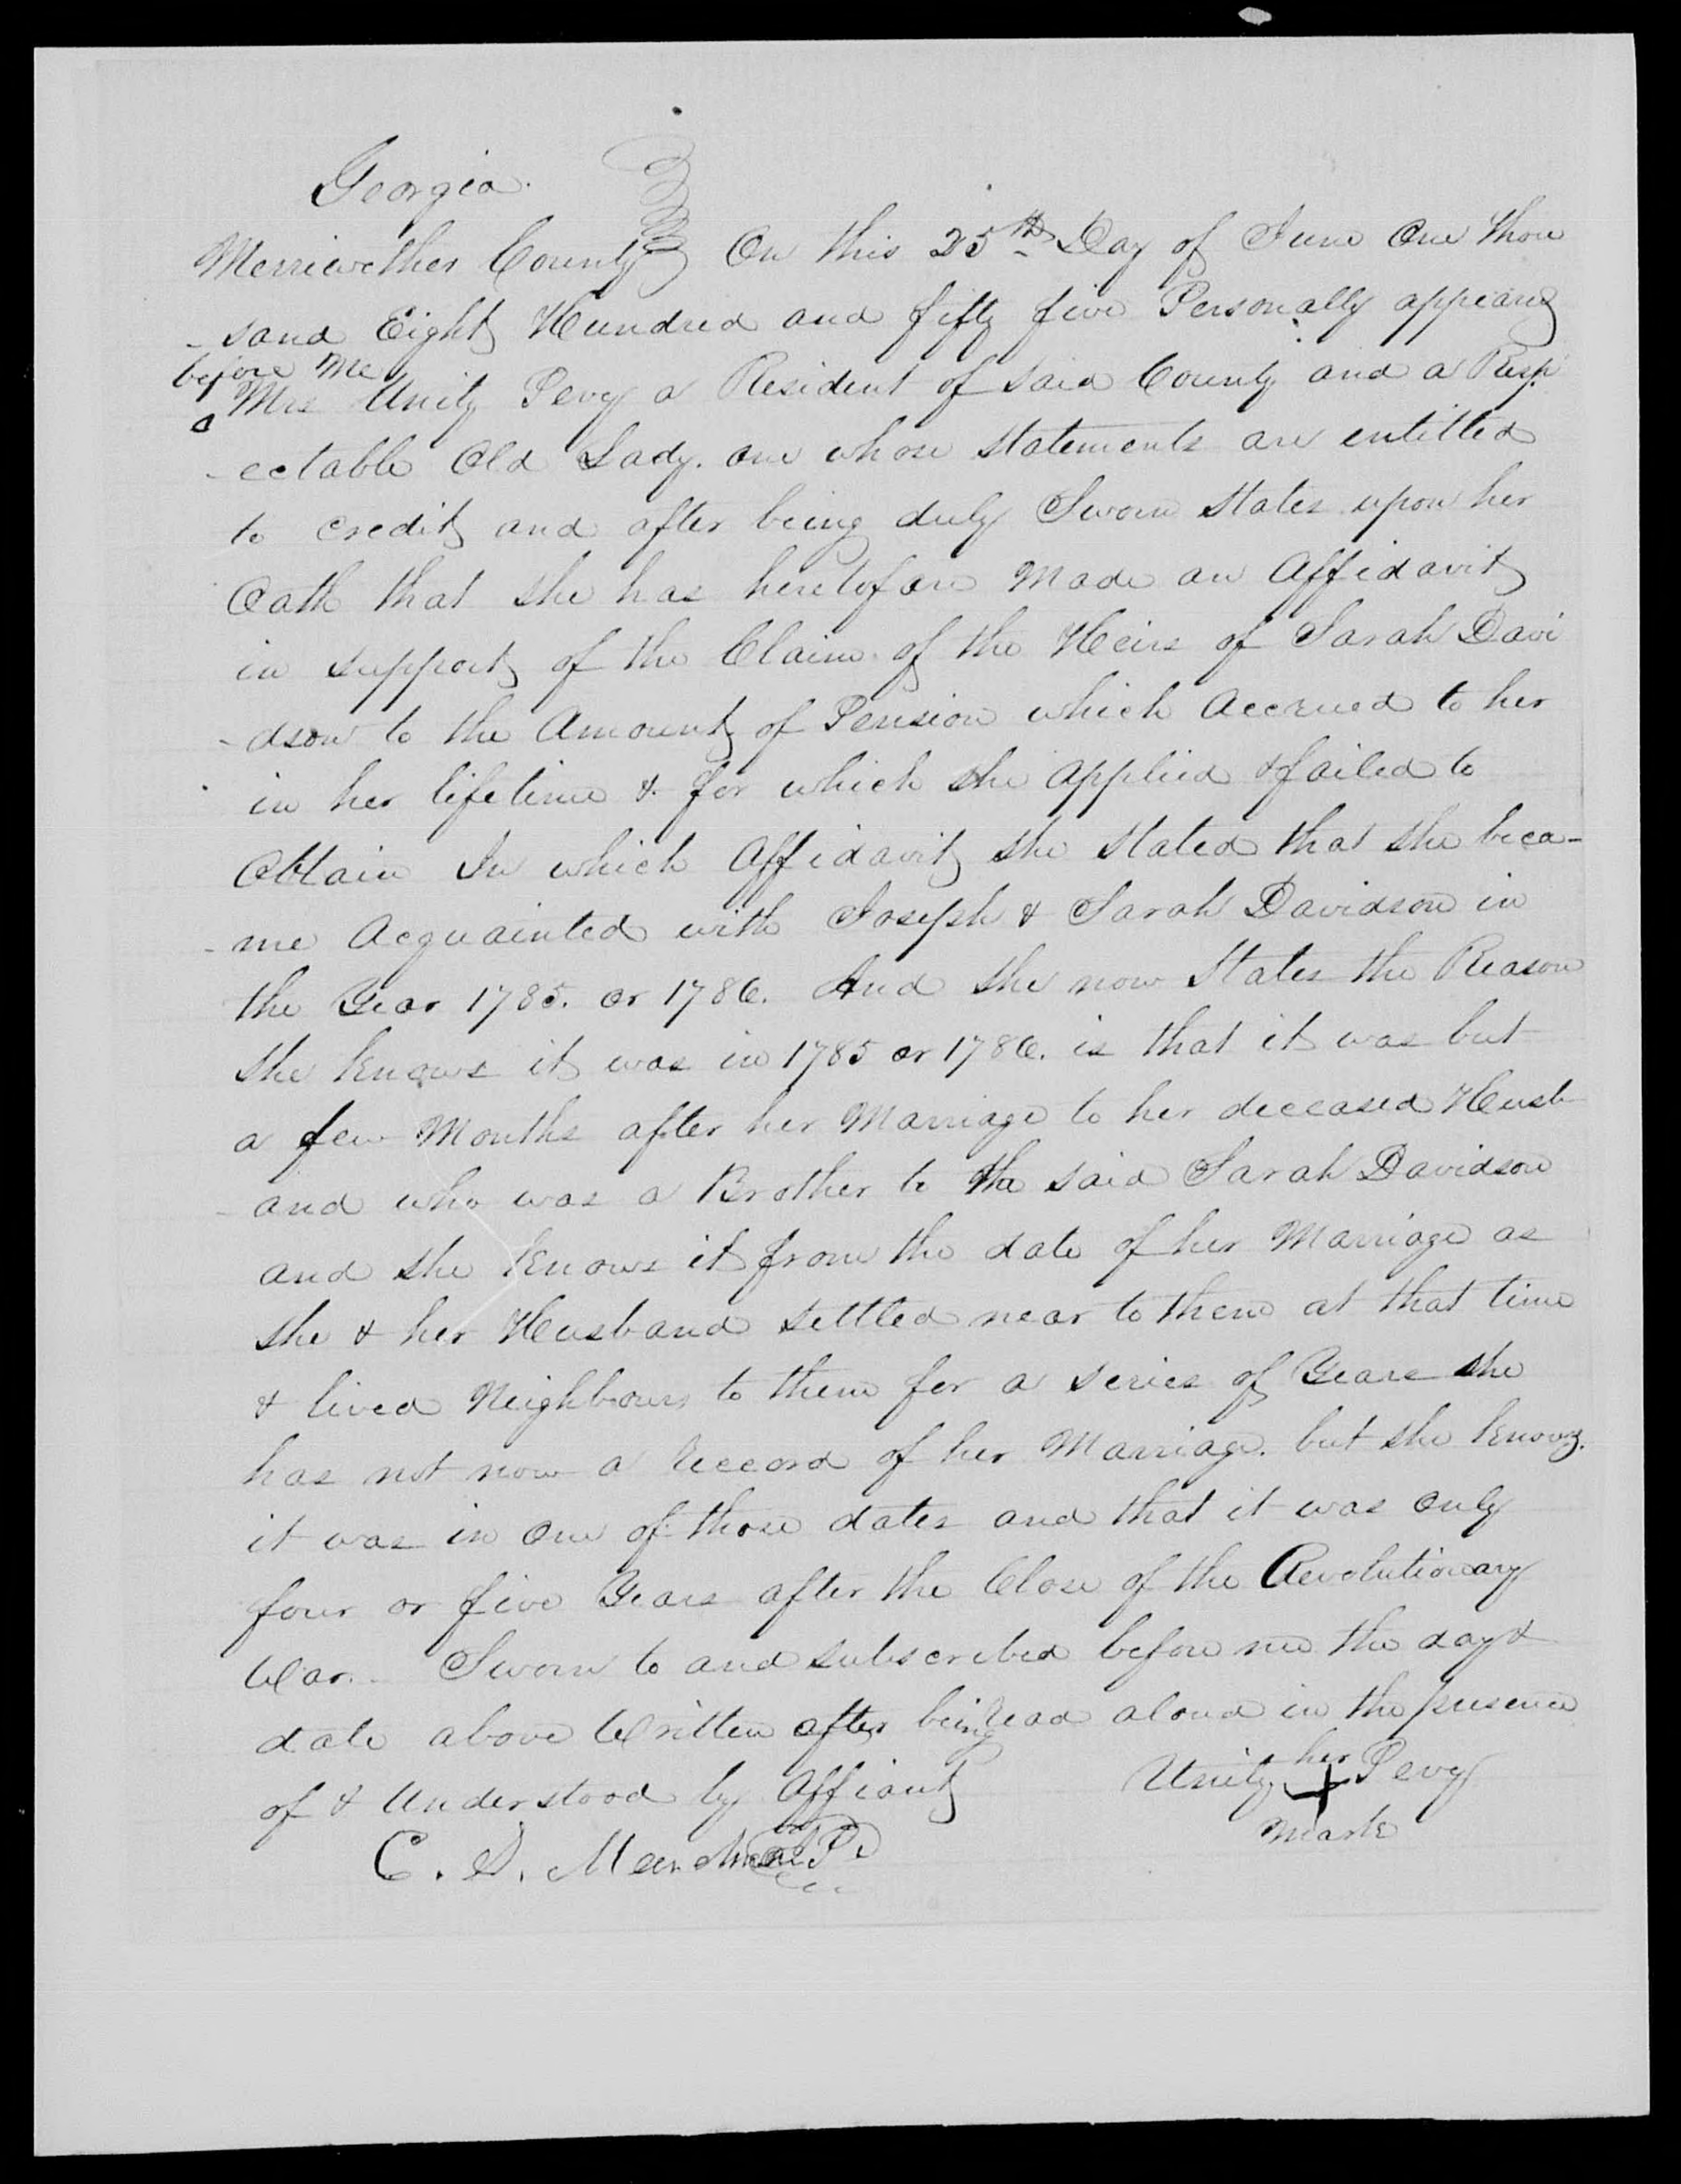Georgia
Merriwether County ⎬ On this 25th day of June One thousand Eight Hundred and fifty five personally appeared
before me
Mrs Any Pery a resident of said County and a Rep
ectable old Lady one whose statements are entitled
to credit and after being duly Sworn States upon her
Oath that she has heretofore made an affidavit
in support of the Claim of the Heirs of Sarah Davis
son to the amount of Pension which accrued to her
in her lifetime & for which the applied & failed to
obtain In which affidavit the stated that she beca
me acquainted with Joseph & Sarah Davidson in
the year 1783 or 1786. And she now states the Reason
she knows it was in 1785 or 1786, is that it was but
a few months after her marriage to her deceased Husby
and who was a Brother to the said Sarah Davidson
and she knows it from the date of her Marriage as
she & her Husband settled near to them at that time
& lived neighbours to them for a series of years the
has not now a record of her marriage, but she knows
it was in one of those dates and that it was only
four or five years after the close of the Revolutionary War. Sworn to and subscribed before me the day
date above written after being read aloud in the presence
of & understood by affiant
C. S. March
Unity X her mark Pevy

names: Unity Pevy, Joseph Davidson, Sarah Davidson, Unity Pevy, Sarah Davidson, Sarah Davidson, C S Marchman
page: 39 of 63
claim: widow's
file: W. 4175, Joseph Davidson, N.C.